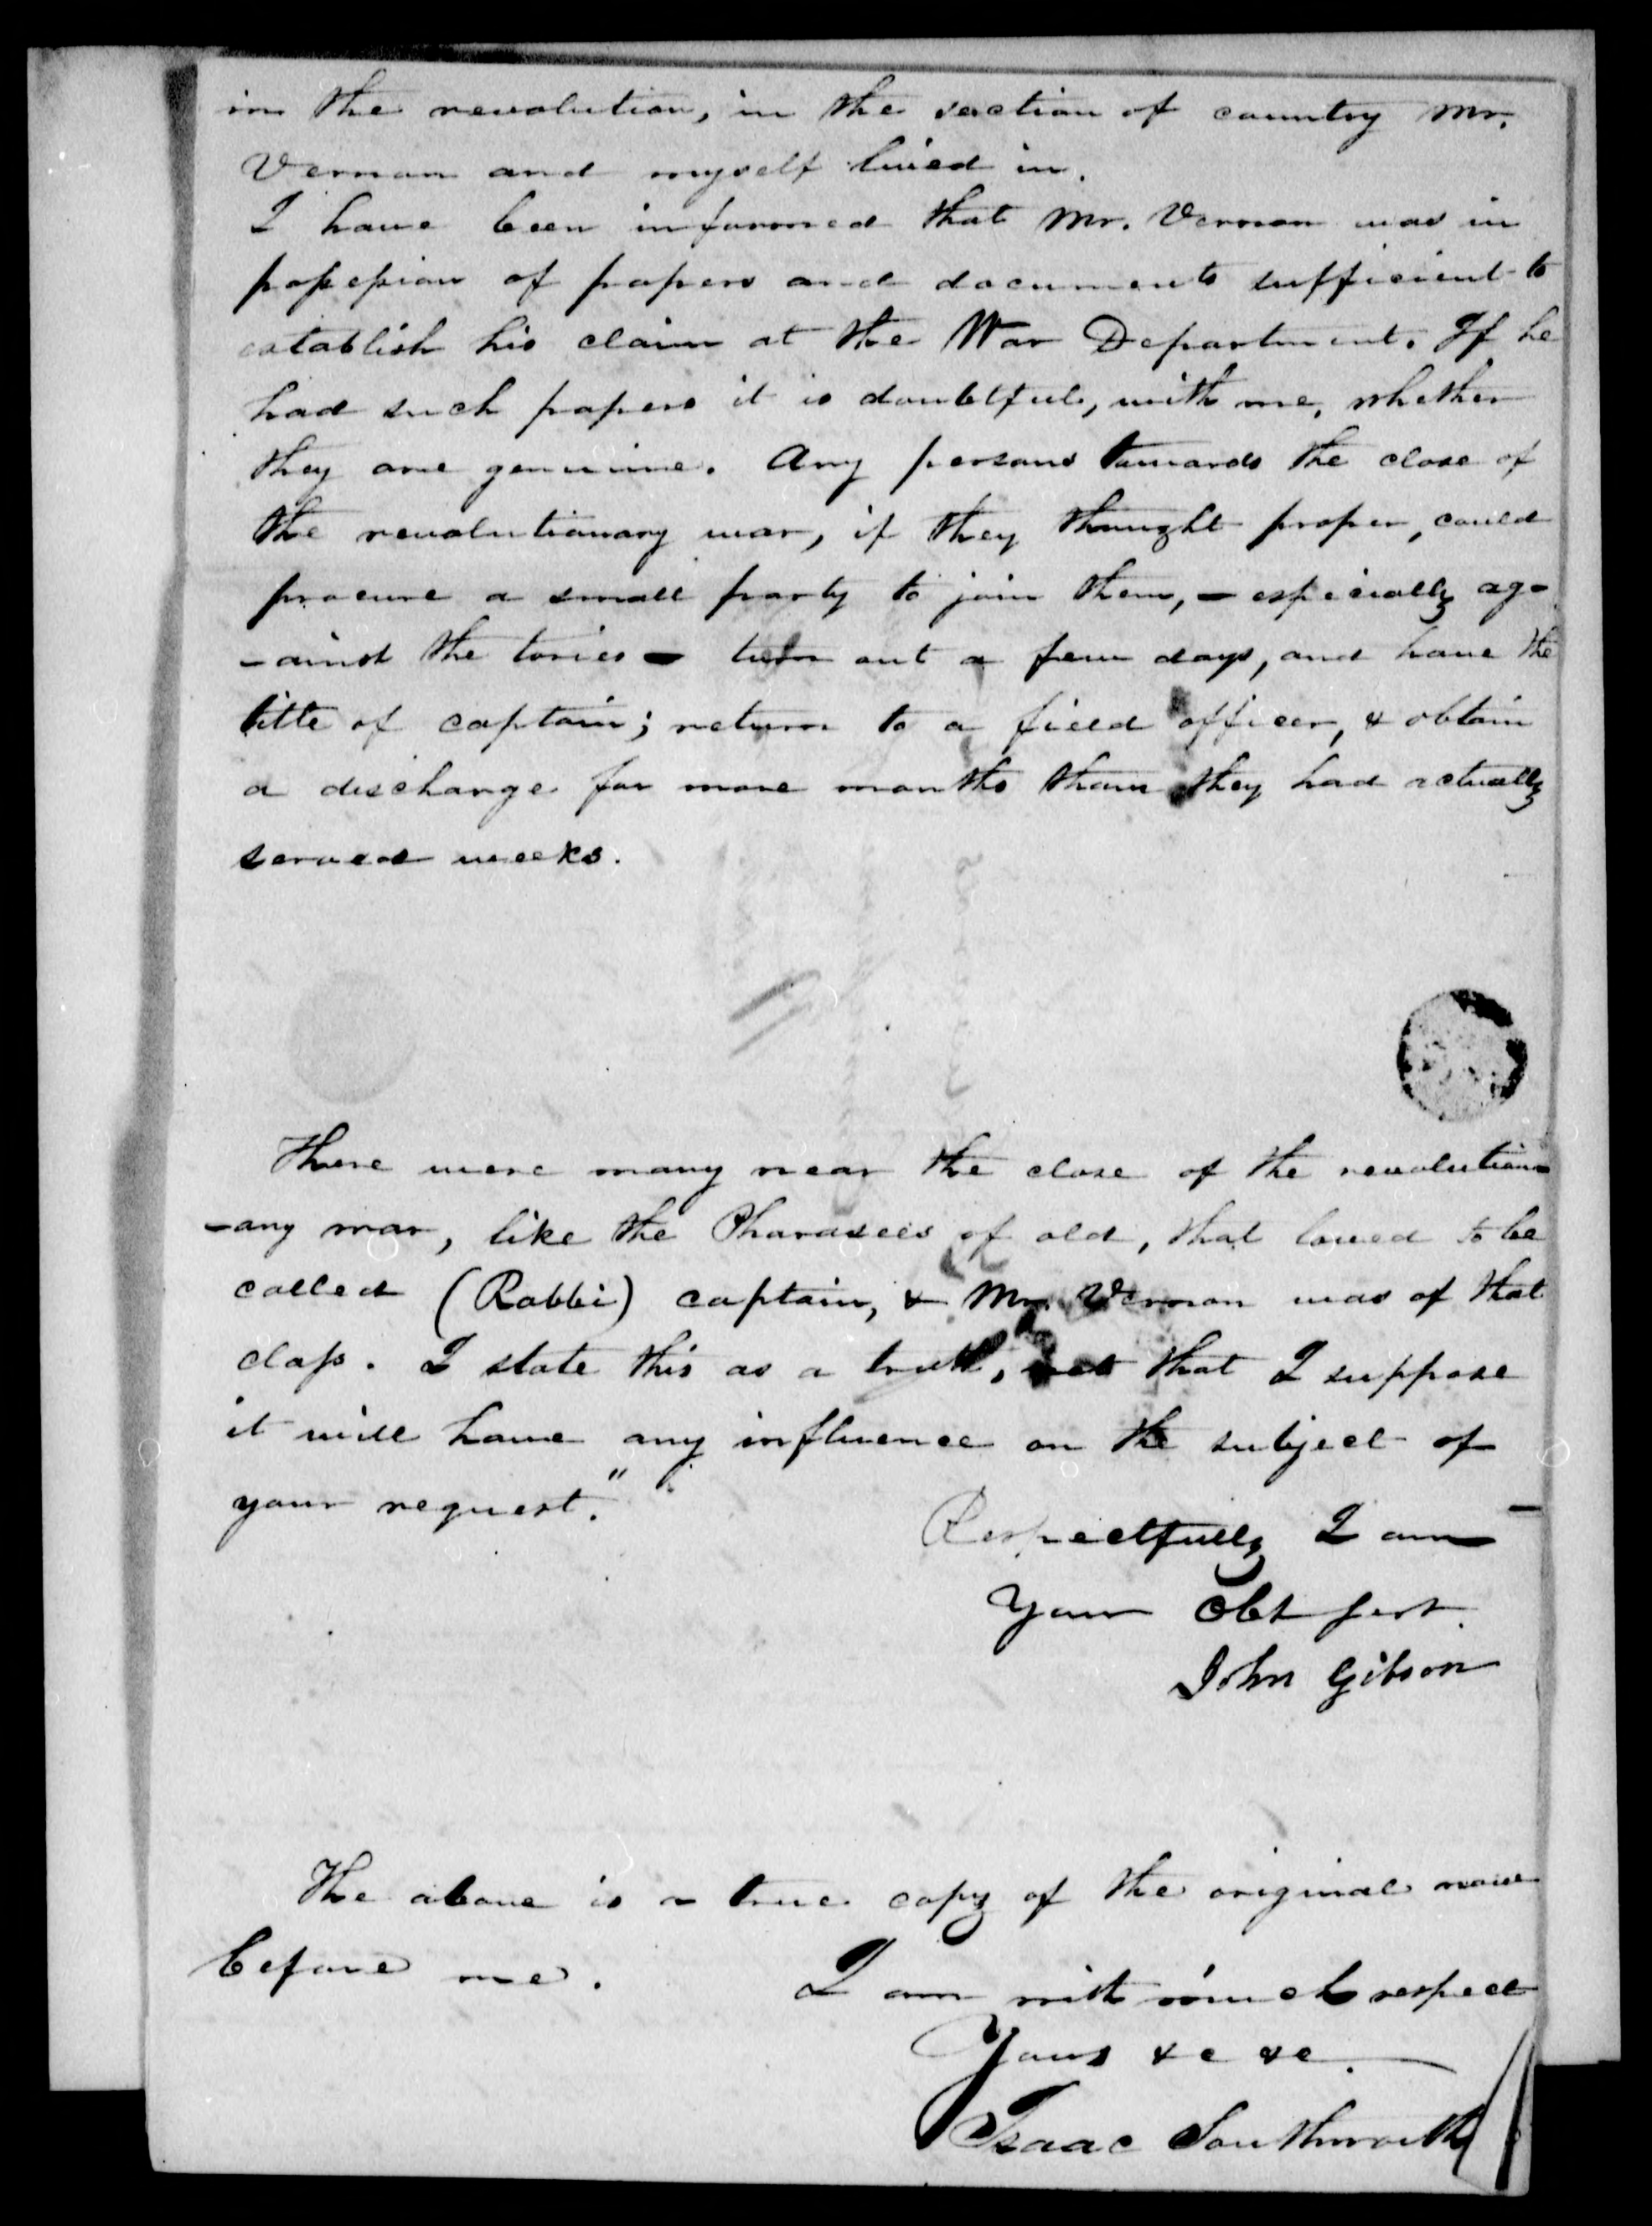in the revolution, in the section of country Mr. Vernon and myself lived in.
I have been informed that Mr. Vernon was in possession of papers and documents sufficient to establish his claim at the War Department. If he had such papers it is doubtful, with me, whether the are genuine.  Any person towards the close of the revolutionary war, if they thought proper, could procure a small party to join them, especially against the Tories – tour out a few days, and have the title of captain; return to a field officer’ & obtain a discharge for more months when they have actually served weeks.
There were many  near the close of the  revolutionary war, like the Pharasees [sic] of old, that loved to be called (Rabbi) captain, & Mr. Vernon was of that class. I state this as a truth, not that I suppose it will have any influence on the subject of your request.”
Respectfully I am –
Your obt. Sert.
John Gibson

The above is a true copy of the original made before me.
I am with much respect
Yours etc. etc..
Isaac Southworth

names: Vernon, Vernon, Isaac Southworth, John Gibson, Vernon, Rabbi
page: 48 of 105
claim: survivor's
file: S. 1883, Richard Vernon, N.C.